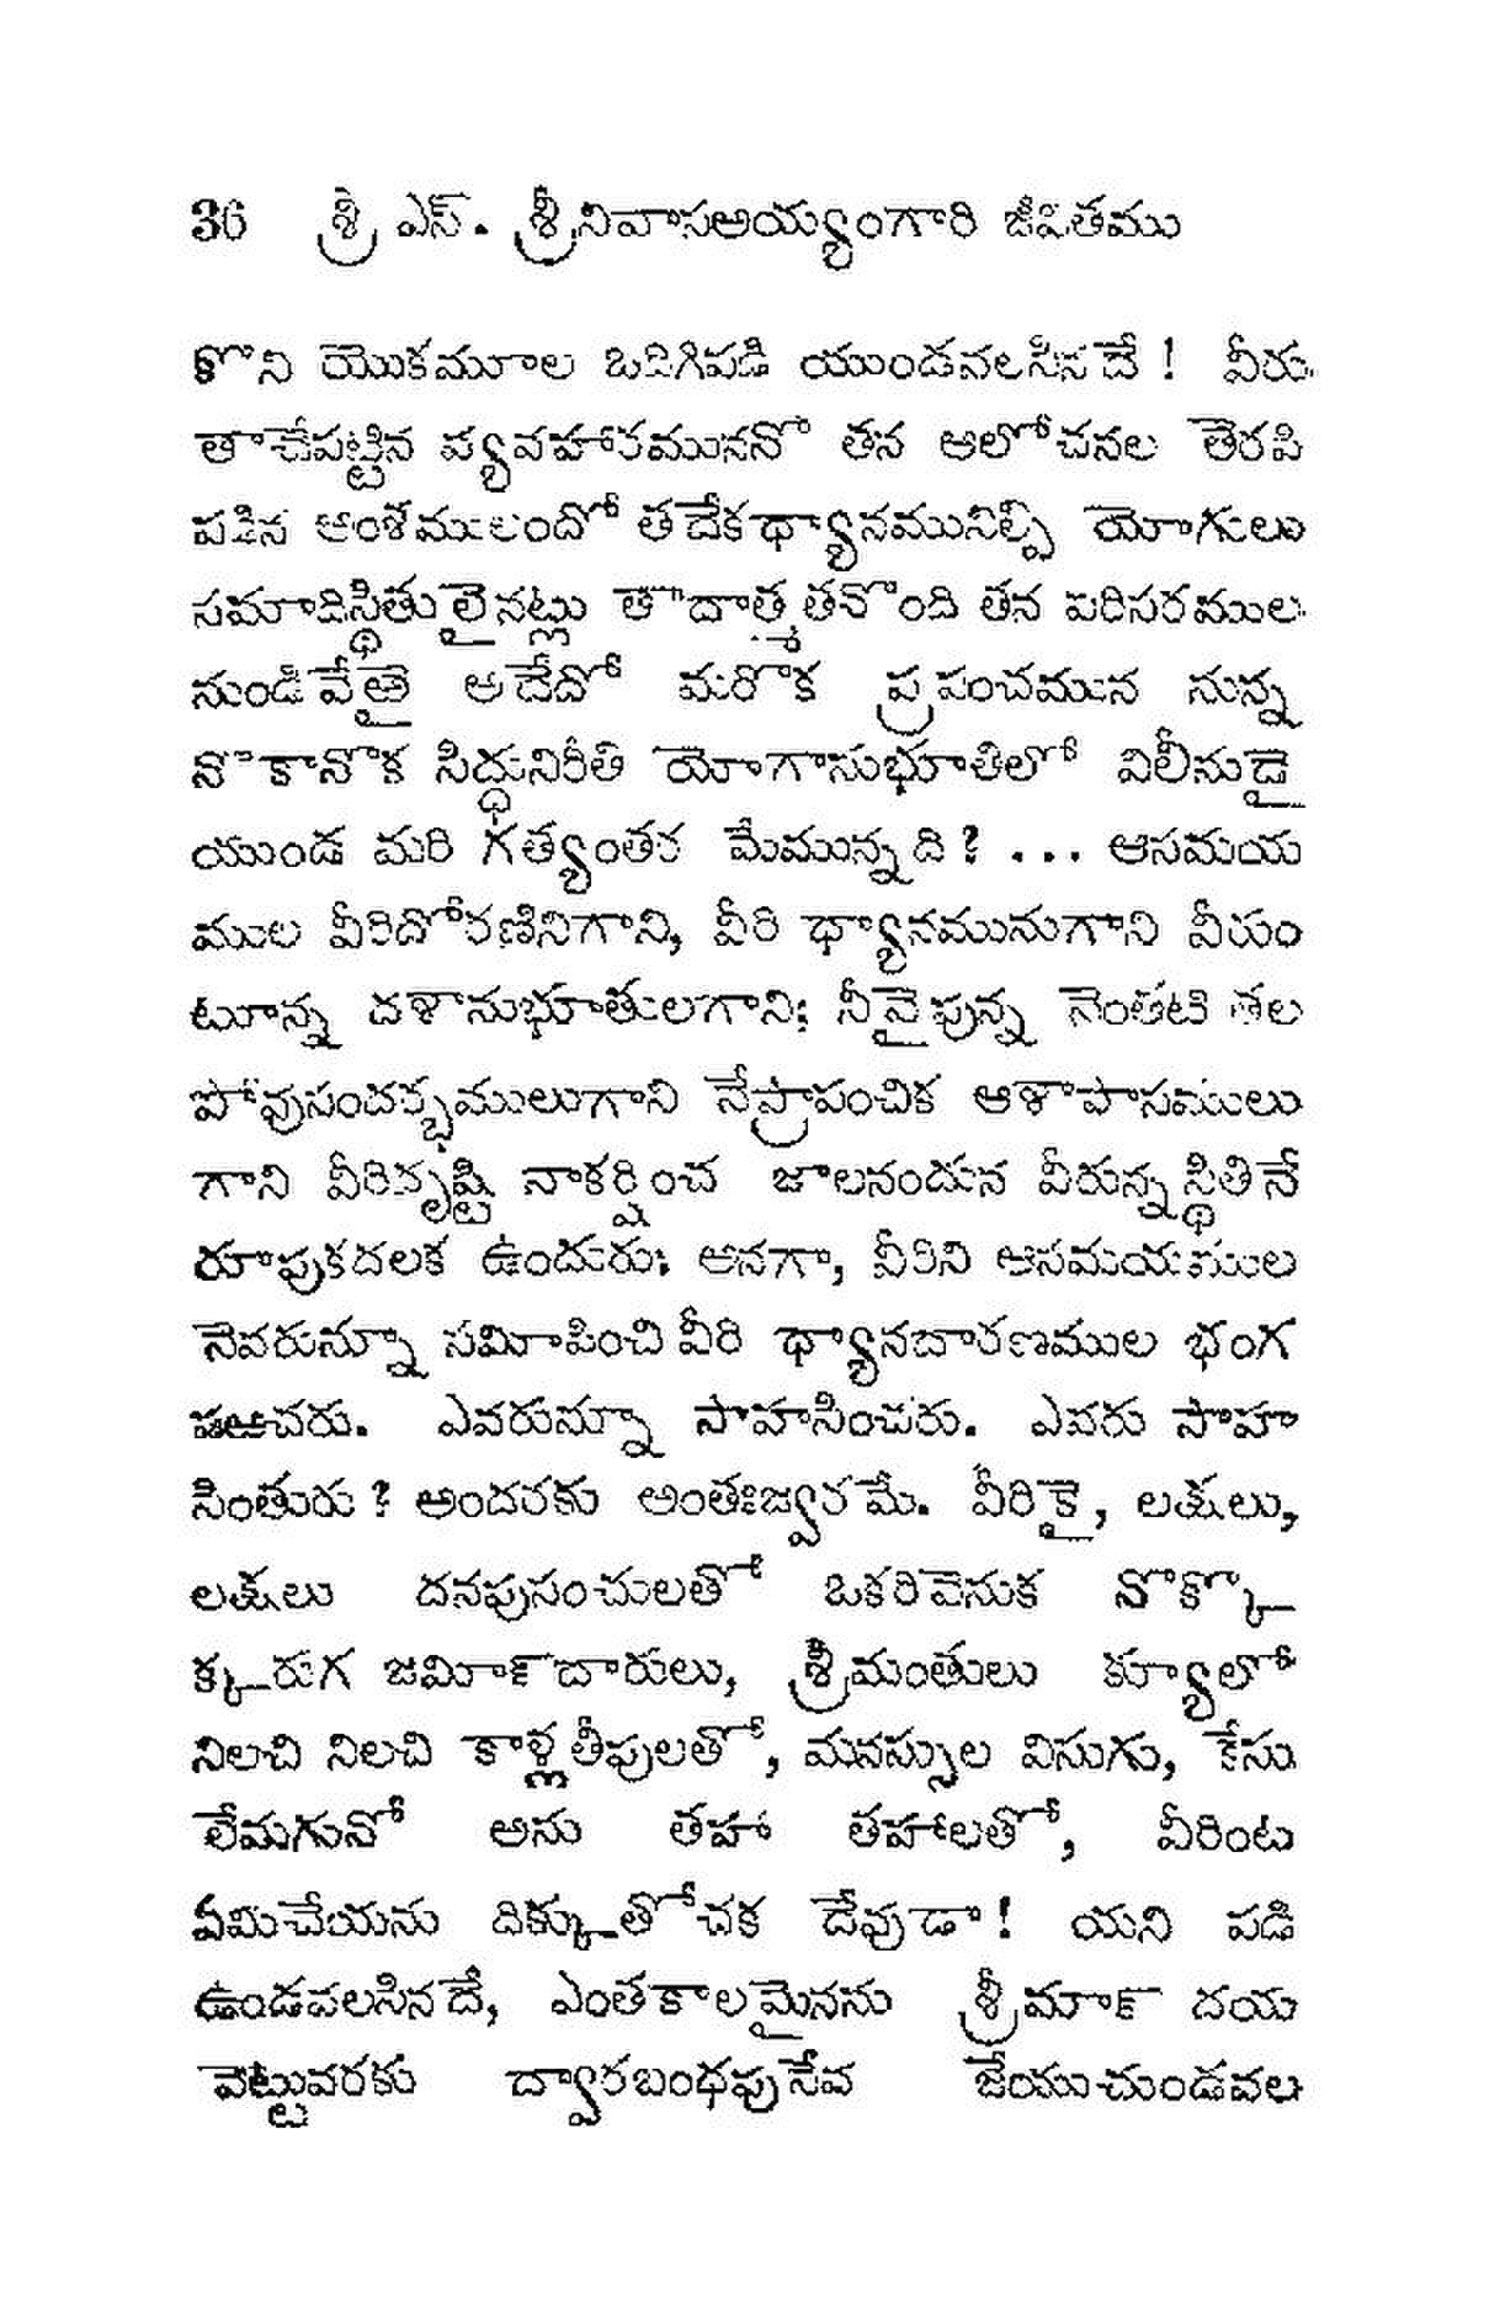కొని యొకమూల ఒదిగిపడి యుండవలసినదే! వీరు తాచేపట్టిన వ్యవహారముననో తన ఆలోచనల తెరపి పడిన అంశములందో తదేకధ్యానమునిల్పి యోగులు సమాధిస్థితులైనట్లు తాదాత్మతనొంది తన పరిసరములు నుండివేఱై అదేదో మరొక ప్రపంచమున నున్న నొకానొక సిద్ధునిరీతి యోగానుభూతిలో విలీనుడై యుండ మరి గత్యంతర మేమున్నది? ... ఆసమయముల వీరిదోరణినిగాని, వీరి ధ్యానమునుగాని వీరుంటూన్న దళానుభూతులగాని: నీనైపున్న నెంతటి తలపోవుసందర్బములుగాని నేప్రాపంచిక ఆశాపాసములు గాని వీరిదృష్టి నాకర్షించ జాలనందున వీరున్నస్థితినే రూపుకదలక ఉందురు: అనగా, వీరిని ఆసమయముల నెవరున్నూ సమీపించి వీరి ధ్యానదారణముల భంగపఱచరు. ఎవరున్నూ సాహసించరు. ఎవరు సాహసింతురు ? అందరకు అంతఃజ్వరమే. వీరికై, లక్షలు, లక్షలు దనపుసంచులతో ఒకరివెనుక నొక్కొక్కరుగ జమీ౯దారులు, శ్రీమంతులు క్యూలో నిలచి నిలచి కాళ్లతీపులతో, మనస్సుల విసుగు, కేసు లేమగునో అను తహ తహాలతో, వీరింట ఏమిచేయను దిక్కుతోచక దేవుడా ! యని పడి ఉండవలసినదే, ఎంతకాలమైనను శ్రీమా౯ దయ వెట్టువరకు ద్వారబంధపుసేవ జేయుచుండవల